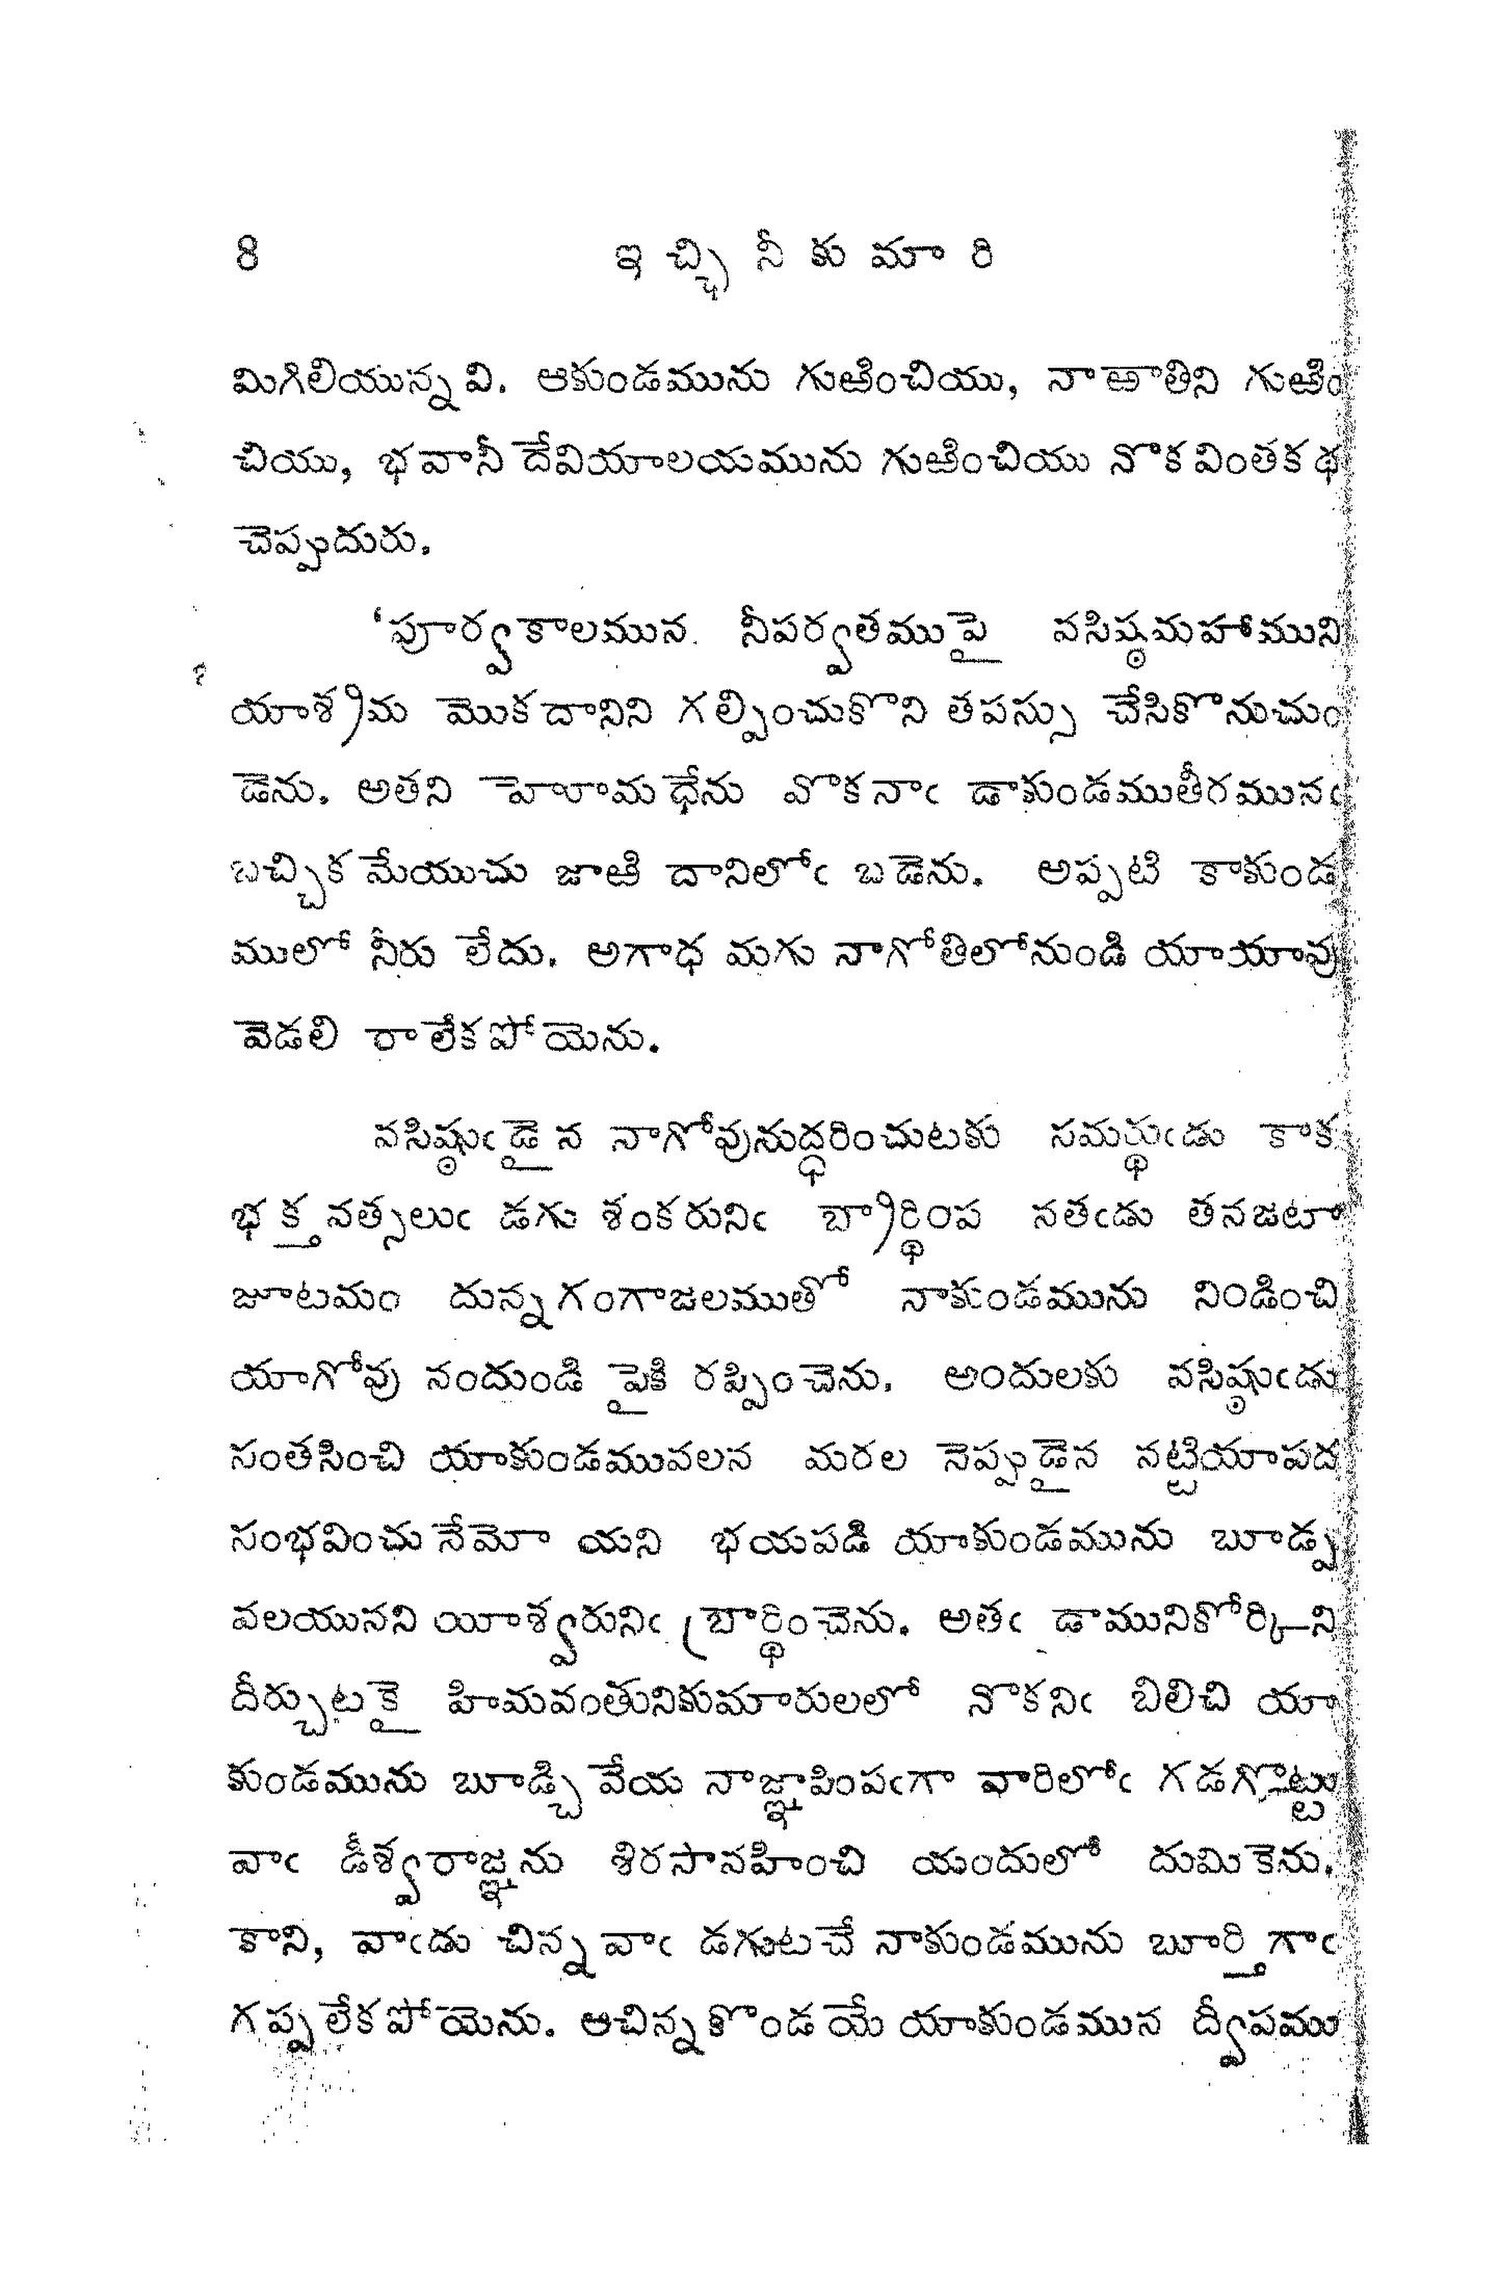మిగిలియున్నవి. ఆకుండమును గుఱించియు, నాఱాతిని గుఱించియు, భవానీదేవియాలయమును గుఱించియు నొకవింతకథ చెప్పుదురు.

'పూర్వకాలమున నీపర్వతముపై వసిష్ఠమహాముని యాశ్రమ మొకదానిని గల్పించుకొని తపస్సు చేసికొనుచుండెను. అతని హోమధేను వొకనాఁ డాకుండముతీరమునఁ బచ్చిక మేయుచు జాఱి దానిలోఁ బడెను. అప్పటి కాకుండములో నీరు లేదు. అగాధ మగు నాగోతిలోనుండి యాయావు వెడలి రాలేకపోయెను.

వసిష్ఠుఁ డైన నాగోవు నుద్ధరించుటకు సమర్థుఁడు కాక భక్తవత్సలుఁ డగు శంకరునిఁ బ్రార్థింప నతఁడు తనజటాజూటమం దున్నగంగాజలముతో నాకుండమును నిండించి యాగోవు నందుండి పైకి రప్పించెను, అందులకు వసిష్ఠుఁడు సంతసించి యాకుండమువలన మరల నెప్పుడైన నట్టియాపద సంభవించు నేమో యని భయపడి యాకుండమును బూడ్చవలయునని యీశ్వరునిఁ బ్రార్థించెను. అతఁ డామునికోర్కిని దీర్చుటకై హిమవంతునికుమారులలో నొకనిఁ బిలిచి యా కుండమును బూడ్చి వేయ నాజ్ఞాపింపఁగా వారిలో గడగొట్టువాఁ డీశ్వరాజ్ఞను శిరసావహించి యందులో దుమికెను. కాని, వాఁడు చిన్నవాఁ డగుటచే నాకుండమును బూర్తిగాఁ గప్పలేకపోయెను. ఆచిన్నకొండయే యాకుండమున ద్వీపము